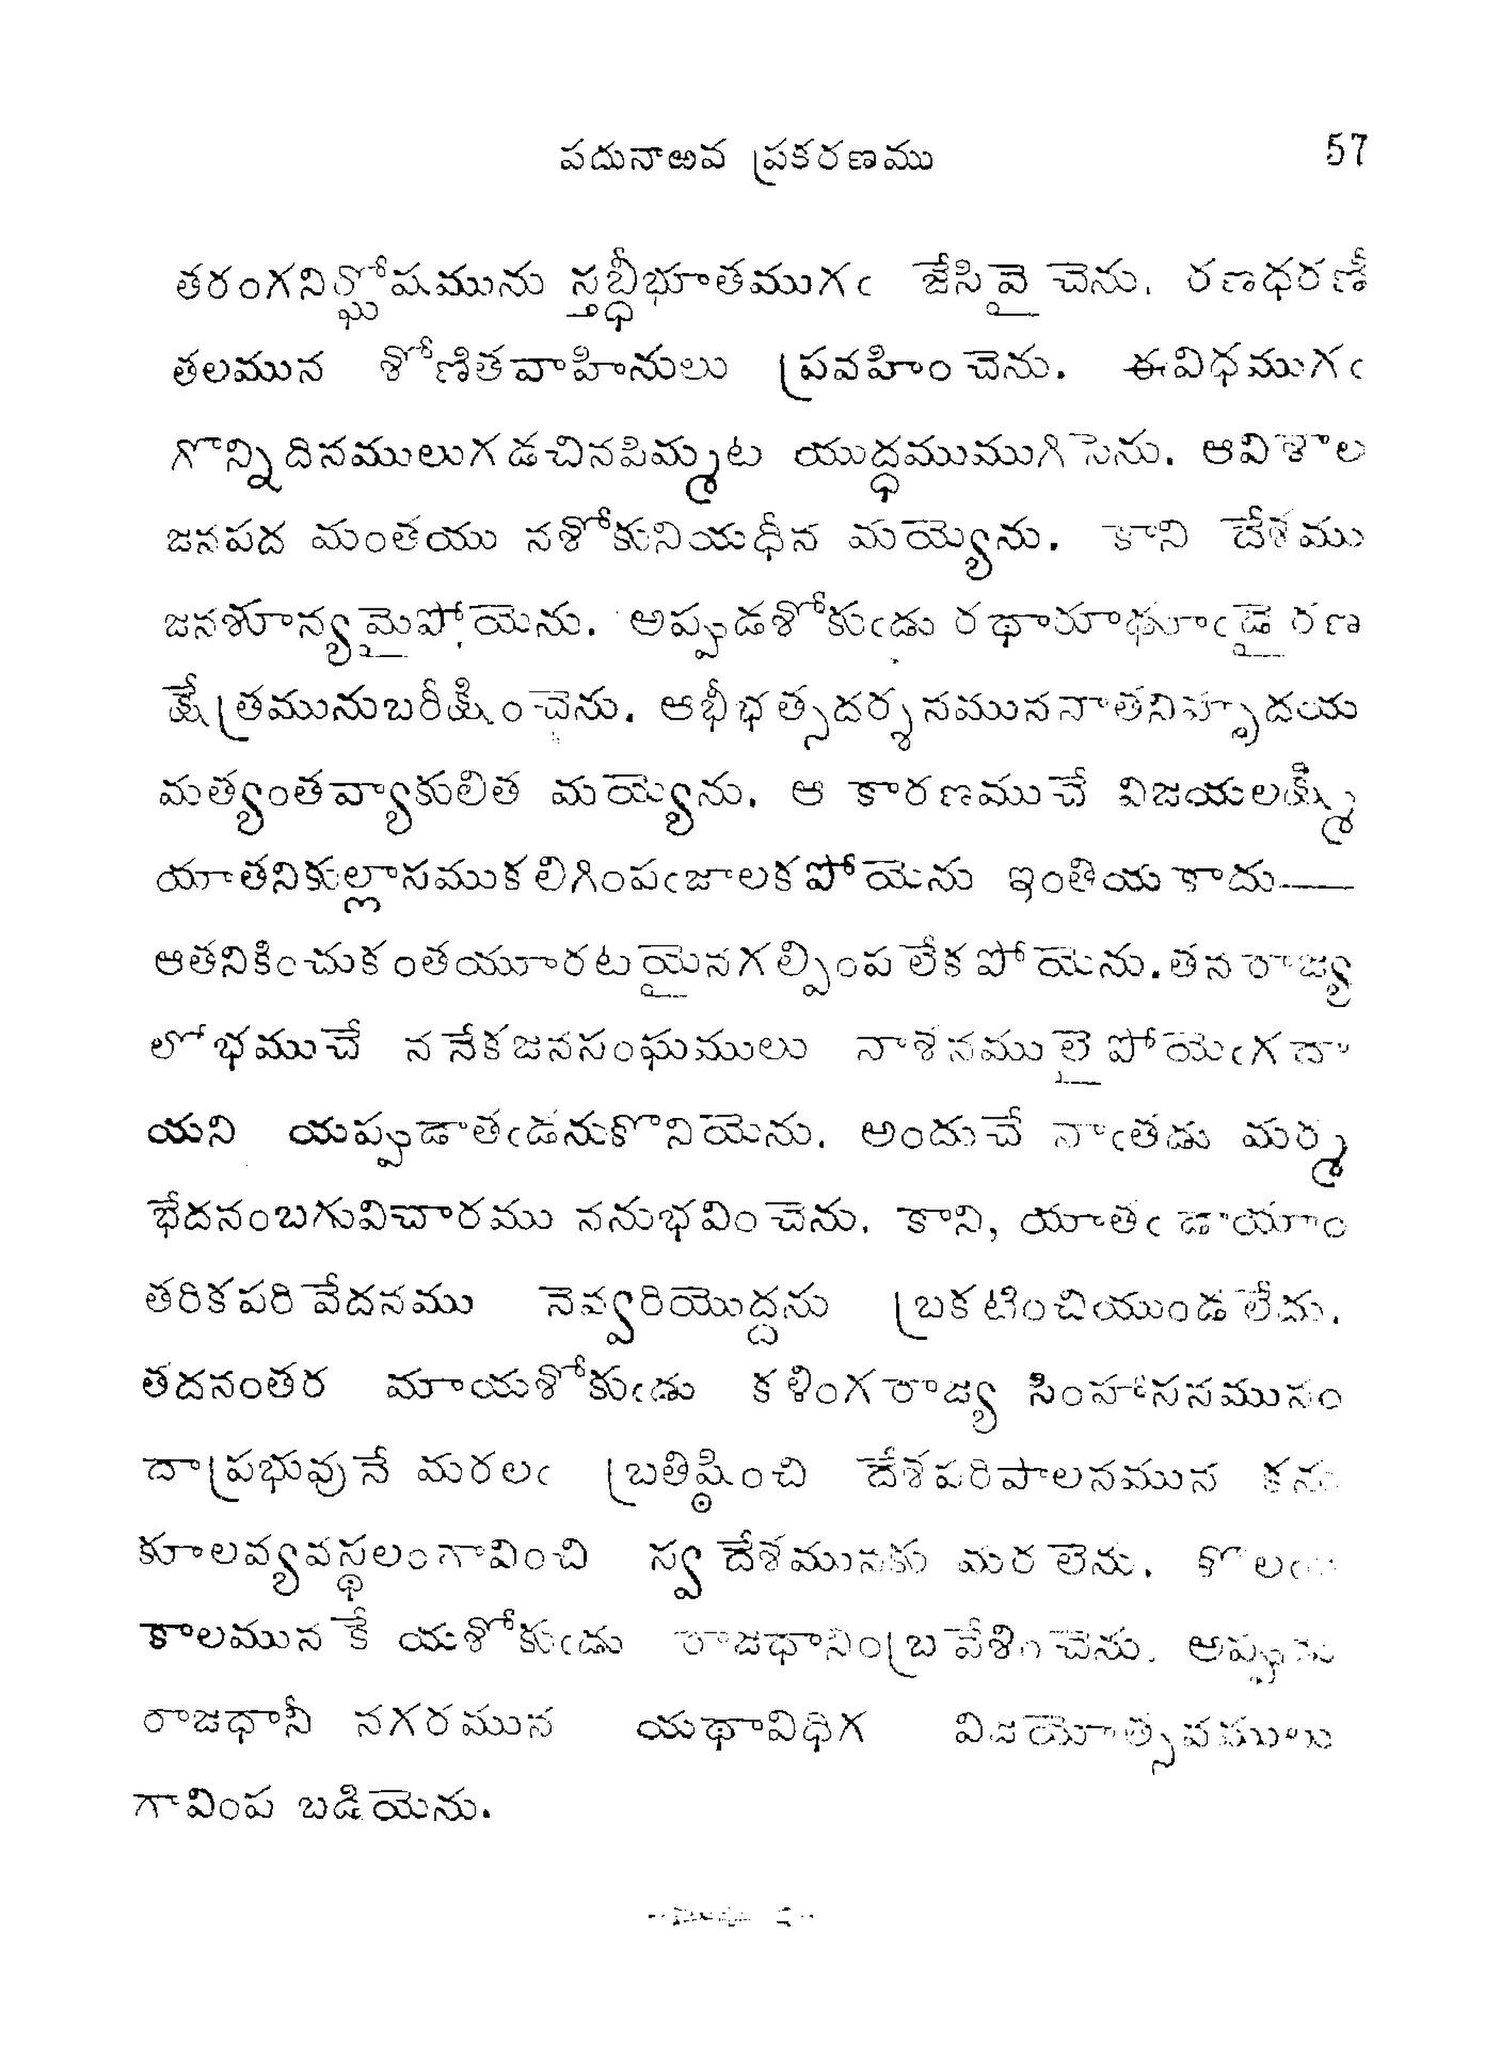తరంగ నిర్ఘోషమును స్తబ్ధీ భూతముగఁ జేసి వైచెను. రణధరణీ తలమున శోణిత వాహినులు ప్రవహించెను. ఈ విధముగఁ కొన్ని దినములు గడచిన పిమ్మట యుద్ధము ముగిసెను. ఆవిశాల జన పద మంతయు నశోకునియధీన మయ్యెను. కాని దేశము జనశూన్యమైపోయెను. అప్పుడశోకుఁడు రథారూఢూఁడై రణ క్షేత్రమును బరీక్షించెను. ఆభీభత్సదర్శనమున నాతని హృదయ మత్యంత వ్యాకులిత మయ్యెను. ఆ కారణము చే విజయలక్ష్మి యాతనికుల్లాసముక లిగింపఁజాలక పోయెను ఇంతియ కాదు— ఆతనికించుకంతయూరట యైనగల్పింప లేకపోయెను. తన రాజ్యలోభముచే ననేక జనసంఘములు నాశనము లైపోయెఁగదా యని యప్పుడాతఁడను కొనియెను. అందుచే నాతడు మర్మ భేదనంబగువిచారము ననుభవించెను. కాని, యాతఁడాయాంతరికపరి వేదనము నెవ్వరియొద్దను బ్రకటించియుండ లేదు. తదనంతర మాయశోకుఁడు కళింగరాజ్య సింహాసనమునందా ప్రభువు నే మరల బ్రతిష్ఠించి దేశపరిపాలనమున కనుకూలవ్యవస్థలం గావించి స్వదేశమునకు మరలెను . కోలది
కాలమున కే యశోకుఁడు రాజధానింబ్రవేశిం చెను. అప్పుడు రాజధాని నగరమున యథావిధిగా విజయోత్సవములు గావింప బడి యెను.